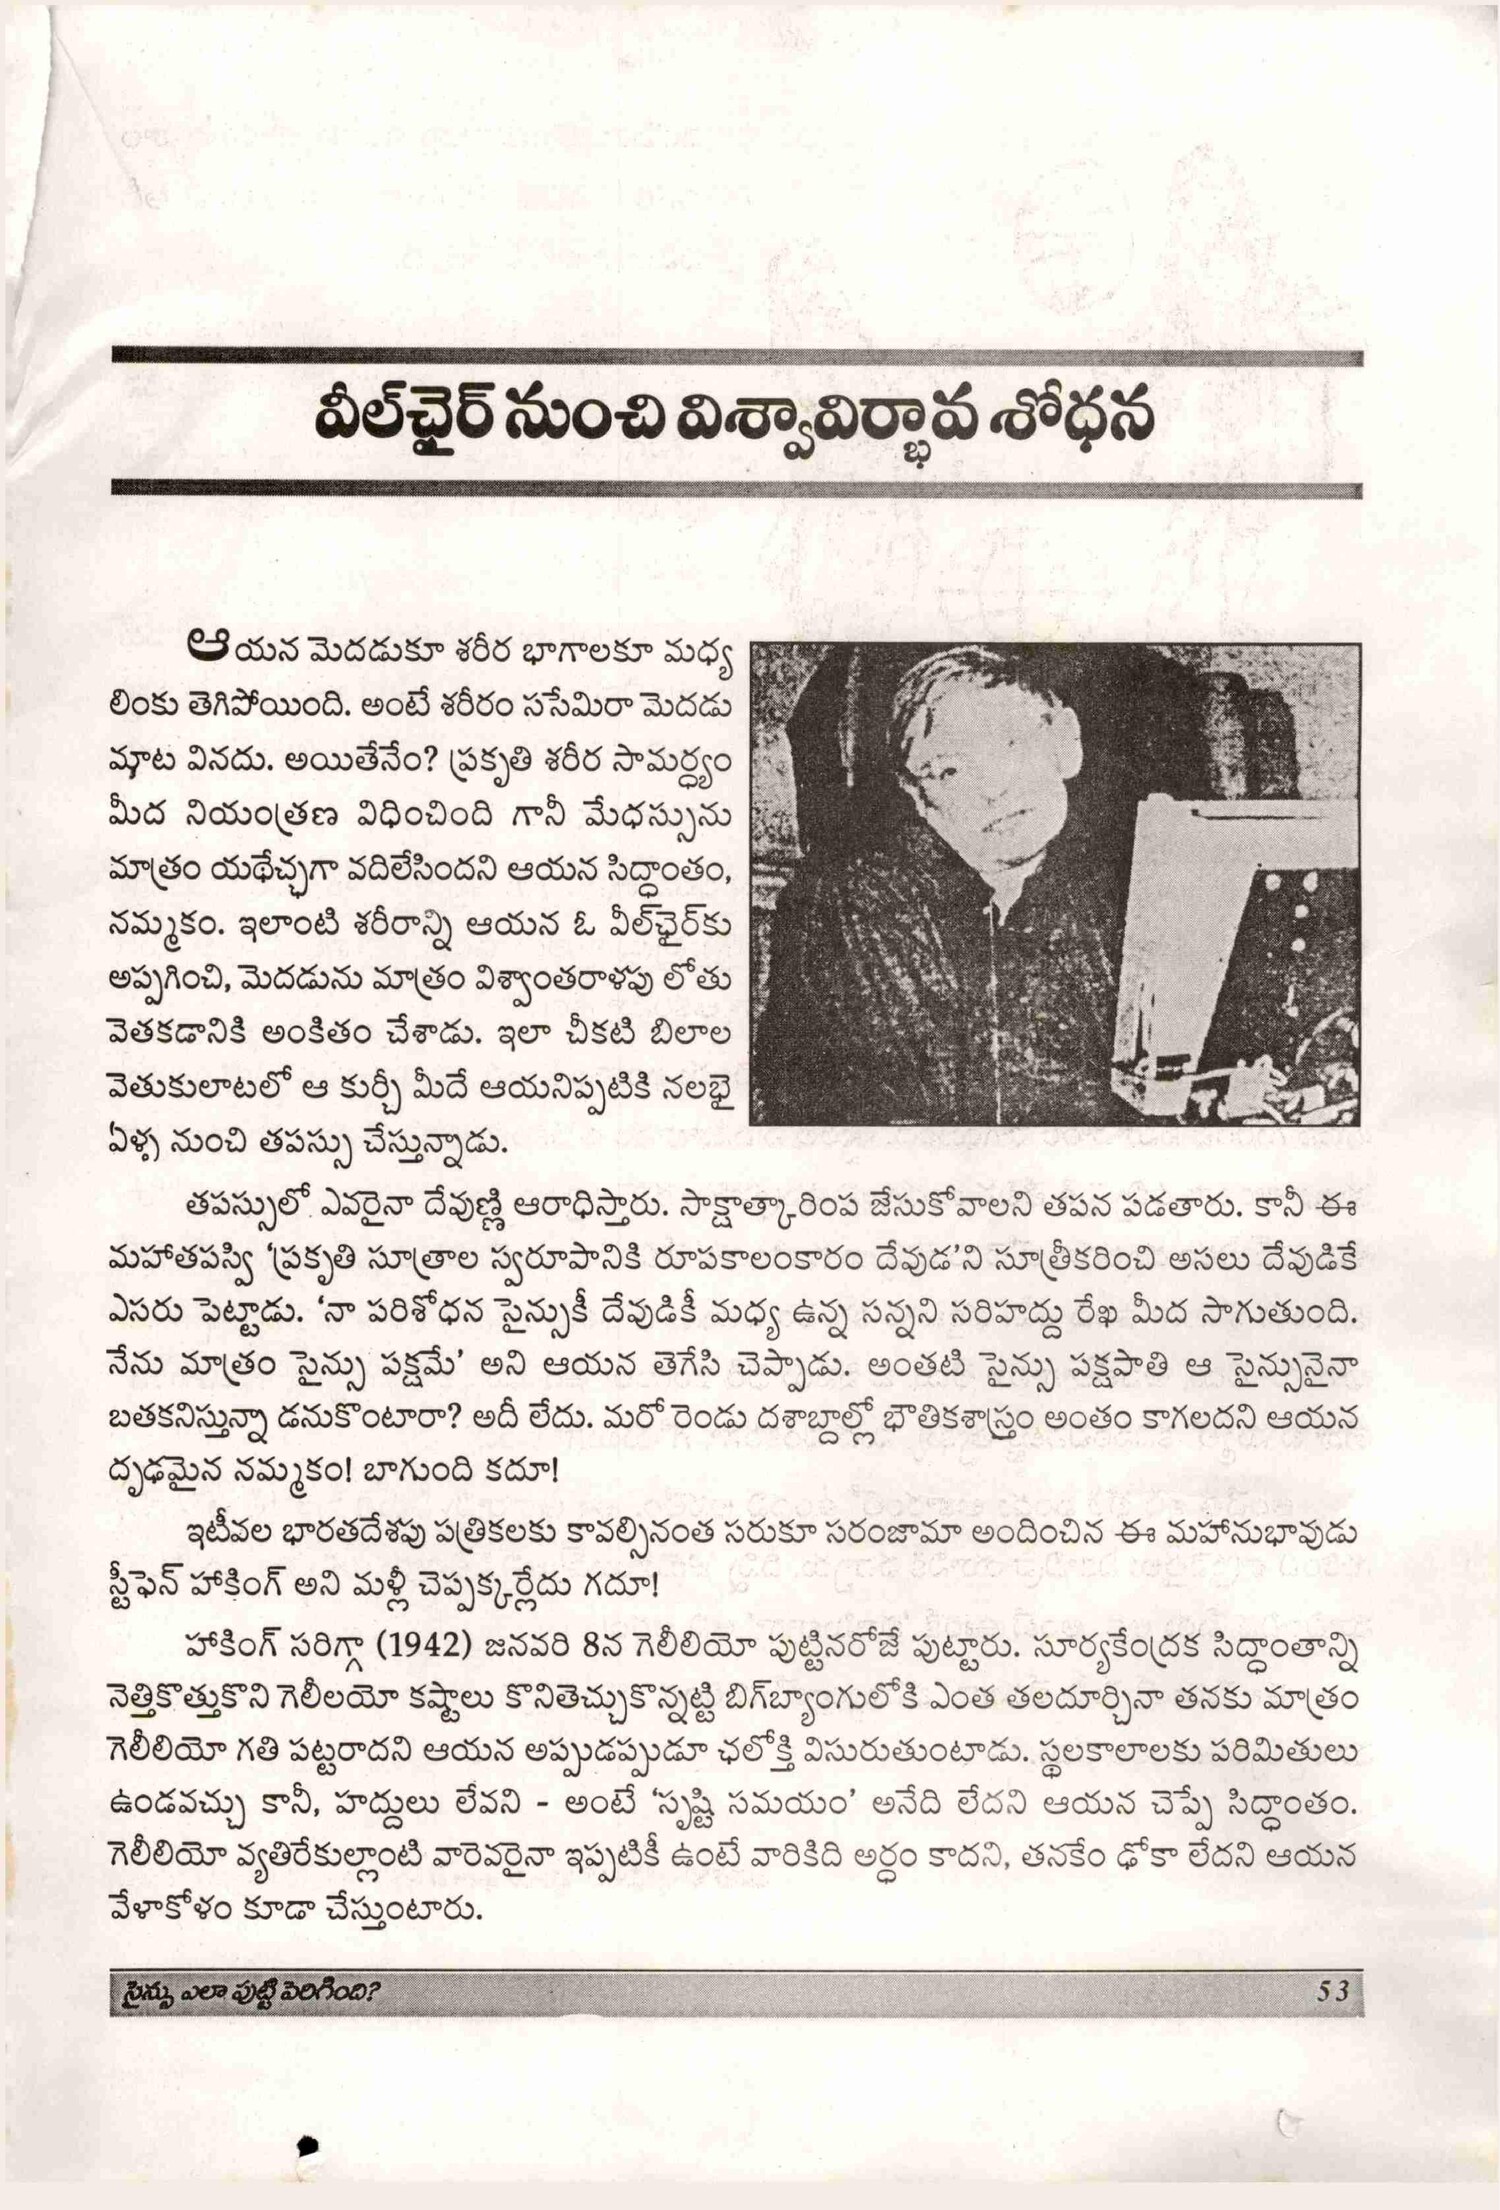వీల్‌చైర్ నుంచి విశ్వావిర్భావ శోధన

ఆయన మెదడుకూ శరీర భాగాలకూ మధ్య లింకు తెగిపోయింది. అంటే శరీరం ససేమిరా మెదడు మాట వినదు. అయితేనేం? ప్రకృతి శరీర సామర్థ్యం మీద నియంత్రణ విధించింది గానీ మేధస్సును మాత్రం యథేచ్ఛగా వదిలేసిందని ఆయన సిద్ధాంతం, నమ్మకం. ఇలాంటి శరీరాన్ని ఆయన ఓ వీల్‌చైర్‌కు అప్పగించి, మెదడును మాత్రం విశ్వాంతరాళపు లోతు వెతకడానికి అంకితం చేశాడు. ఇలా చీకటి బిలాల వెతుకులాటలో ఆ కుర్చీ మీదే ఆయనిప్పటికి నలభైఏళ్ళ నుంచి తపస్సు చేస్తున్నాడు.

తపస్సులో ఎవరైనా దేవుణ్ణి ఆరాధిస్తారు. సాక్షాత్కారింప జేసుకోవాలని తపన పడతారు. కానీ ఈ మహాతపస్వి 'ప్రకృతి సూత్రాల స్వరూపానికి రూపకాలంకారం దేవుడ'ని సూత్రీకరించి అసలు దేవుడికే ఎసరు పెట్టాడు. ‘నా పరిశోధన సైన్సుకీ దేవుడికీ మధ్య ఉన్న సన్నని సరిహద్దు రేఖ మీద సాగుతుంది. నేను మాత్రం సైన్సు పక్షమే' అని ఆయన తెగేసి చెప్పాడు. అంతటి సైన్సు పక్షపాతి ఆ సైన్సునైనా బతకనిస్తున్నా డనుకొంటారా? అదీ లేదు. మరో రెండు దశాబ్దాల్లో భౌతికశాస్త్రం అంతం కాగలదని ఆయన దృఢమైన నమ్మకం! బాగుంది కదూ!

ఇటీవల భారతదేశపు పత్రికలకు కావల్సినంత సరుకూ సరంజామా అందించిన ఈ మహానుభావుడు స్టీఫెన్ హాకింగ్ అని మళ్లీ చెప్పక్కర్లేదు గదూ!

హాకింగ్ సరిగ్గా (1942) జనవరి 8న గెలీలియో పుట్టినరోజే పుట్టారు. సూర్యకేంద్రక సిద్ధాంతాన్ని నెత్తికెత్తుకొని గెలీలయో కష్టాలు కొనితెచ్చుకొన్నట్టి బిగ్‌బ్యాంగులోకి ఎంత తలదూర్చినా తనకు మాత్రం గెలీలియో గతి పట్టరాదని ఆయన అప్పుడప్పుడూ ఛలోక్తి విసురుతుంటాడు. స్థలకాలాలకు పరిమితులు ఉండవచ్చు కానీ, హద్దులు లేవని - అంటే 'సృష్టి సమయం' అనేది లేదని ఆయన చెప్పే సిద్ధాంతం. గెలీలియో వ్యతిరేకుల్లాంటి వారెవరైనా ఇప్పటికీ ఉంటే వారికిది అర్ధం కాదని, తనకేం డోకా లేదని ఆయన వేళాకోళం కూడా చేస్తుంటారు.